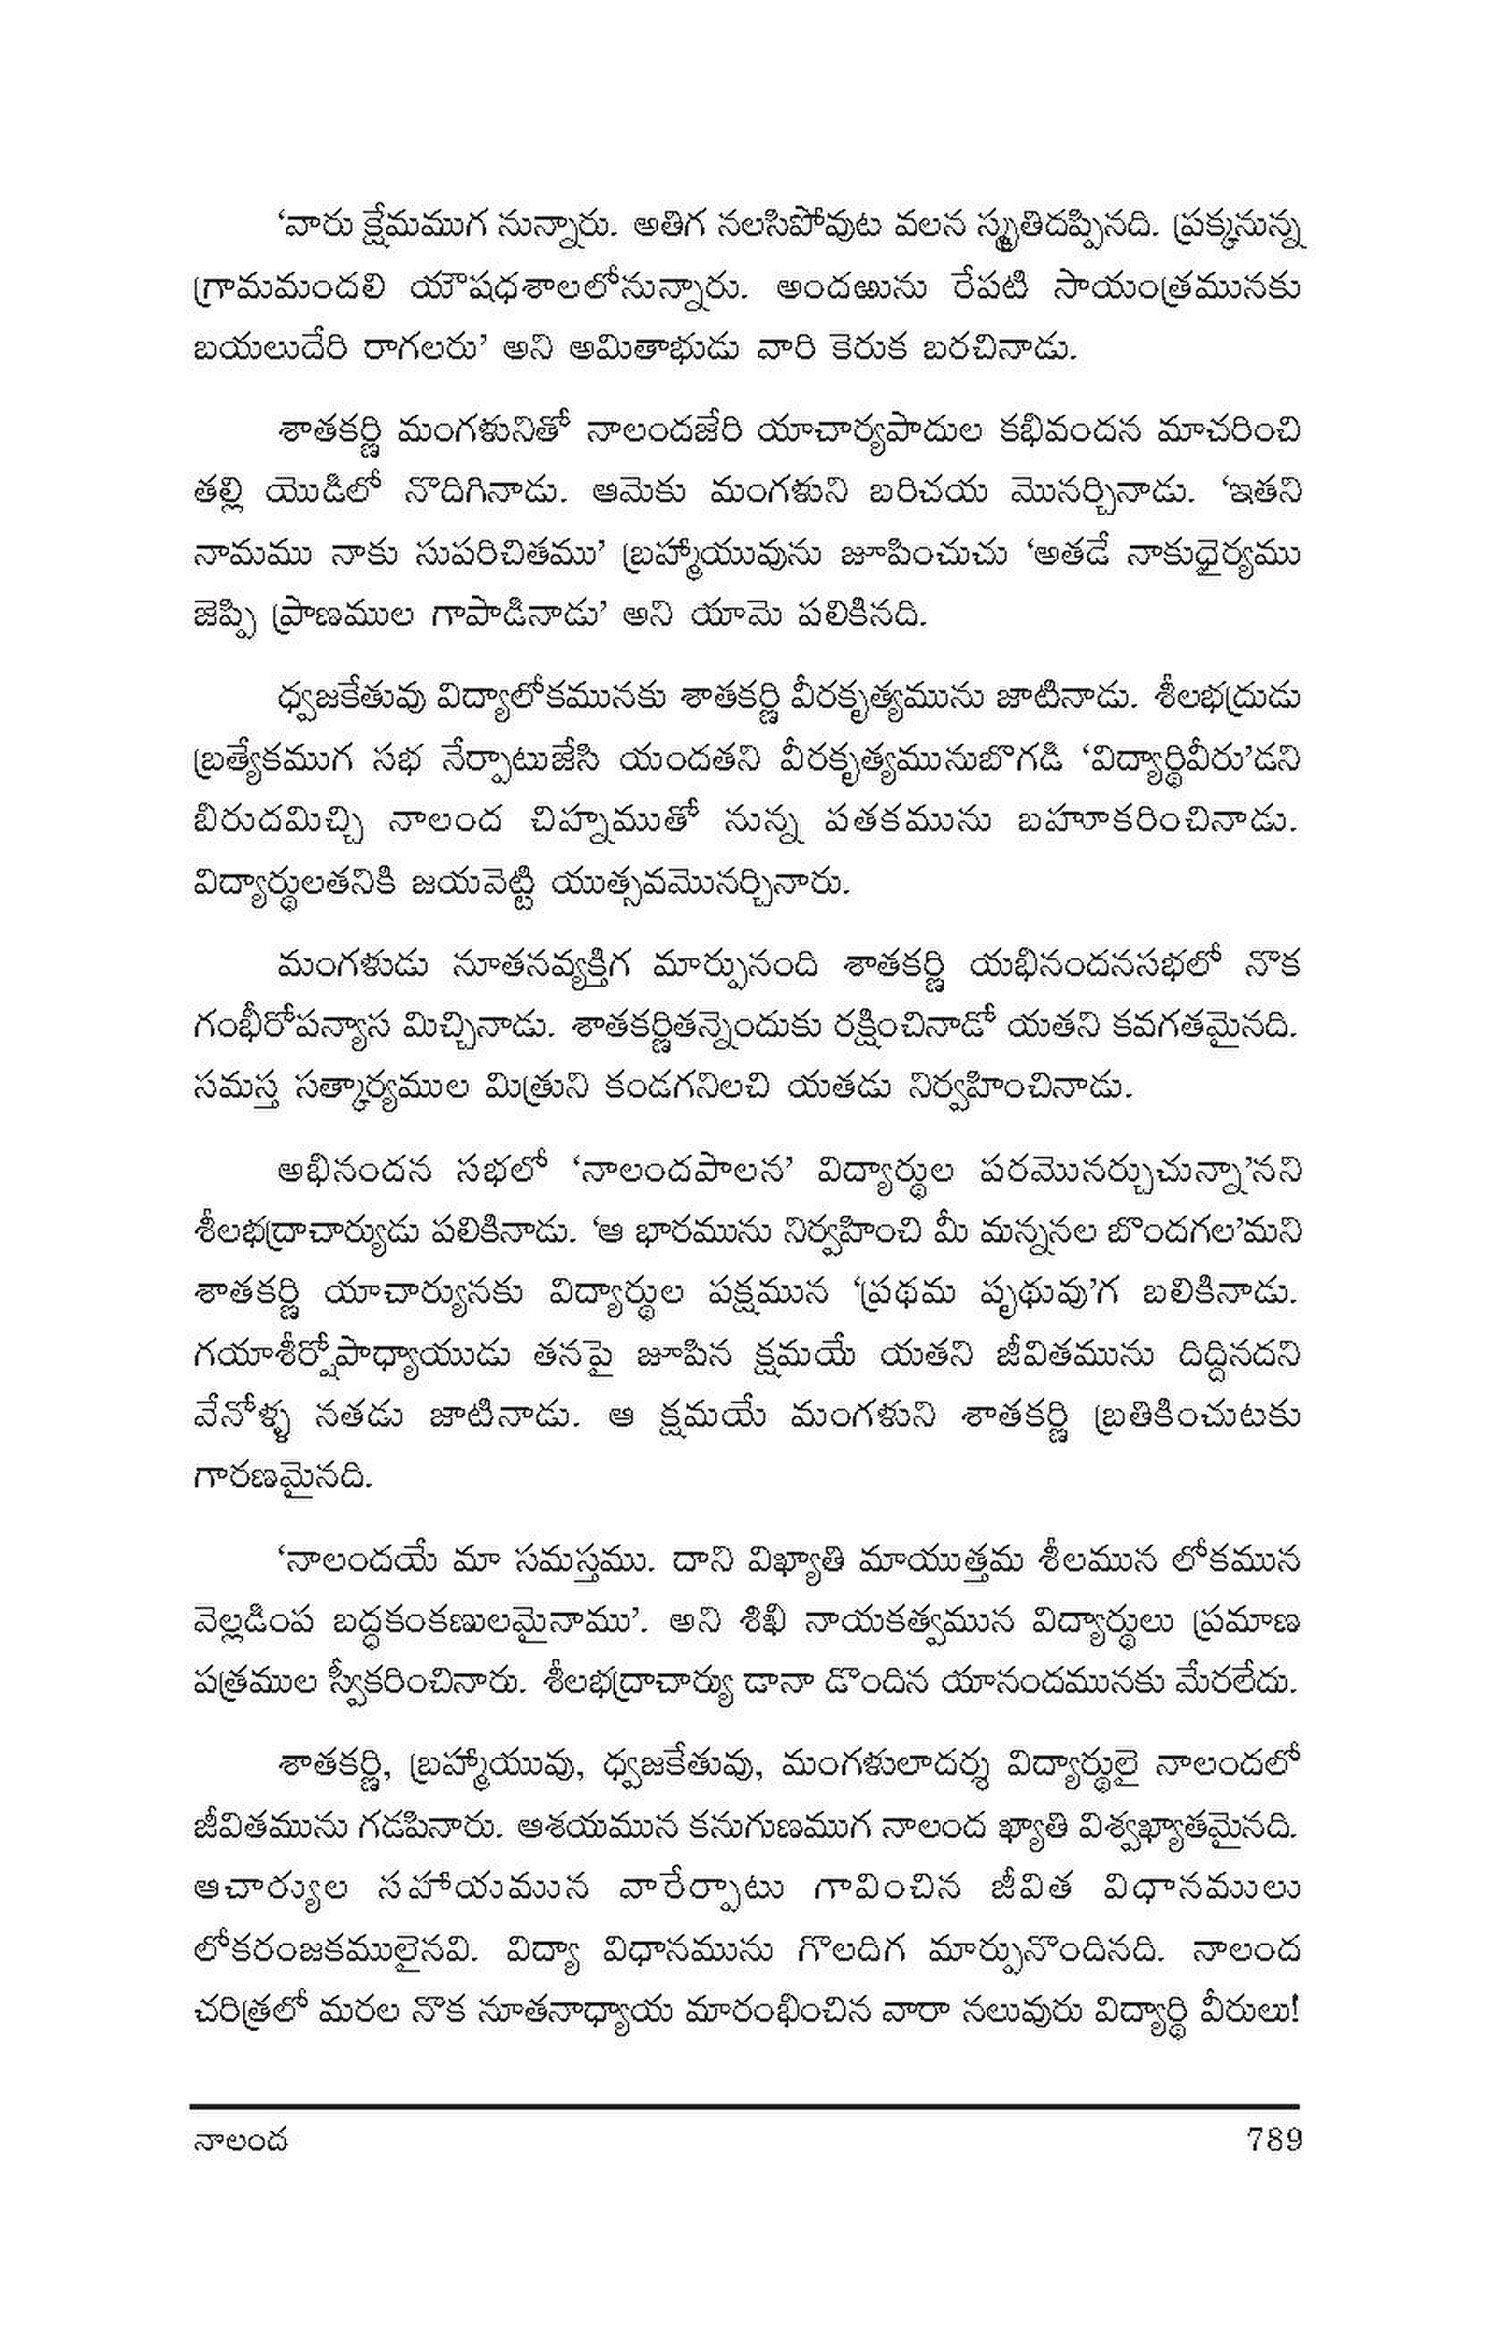'వారు క్షేమముగ నున్నారు. అతిగ నలసిపోవుట వలన స్మృతిదప్పినది. ప్రక్కనున్న గ్రామమందలి యౌషధశాలలోనున్నారు. అందఱును రేపటి సాయంత్రమునకు బయలుదేరి రాగలరు' అని అమితాభుడు వారి కెరుక బరచినాడు.

శాతకర్ణి మంగళునితో నాలందజేరి యాచార్యపాదులు కభివందన మాచరించి తల్లి యొడిలో నొదిగినాడు. ఆమెకు మంగళుని బరిచయ మొనర్చినాడు. 'ఇతని నామము నాకు సుపరిచితము' బ్రహ్మాయువును జూపించుచు 'అతడే నాకు ధైర్యము జెప్పి ప్రాణముల గాపాడినాడు' అని యామె పలికినది.

ధ్వజకేతువు విద్యాలోకమునకు శాతకర్ణి వీరకృత్యమును జాటినాడు. శీలభద్రుడు బ్రత్యేకముగ సభ నేర్పాటుజేసి యందతని వీరకృత్యమును బొగడి 'విద్యార్థివీరు'డని బిరుదమిచ్చి నాలంద చిహ్నముతో నున్న పతకమును బహూకరించినాడు. విద్యార్థులతనికి జయవెట్టి యుత్సవమొనర్చినారు.

మంగళుడు నూతనవ్యక్తిగ మార్పునంది శాతకర్ణి యభినందనసభలో నొక గంభీరోపన్యాస మిచ్చినాడు. శాతకర్ణితన్నెందుకు రక్షించినాడో యతని కవగతమైనది. సమస్త సత్కార్యముల మిత్రుని కండగనిలచి యతడు నిర్వహించినాడు.

అభినందన సభలో 'నాలందపాలన' విద్యార్థుల పరమొనర్చుచున్నా'నని శీలభద్రాచార్యుడు పలికినాడు. 'ఆ భారమును నిర్వహించి మీ మన్ననల బొందగల మని శాతకర్ణి యాచార్యునకు విద్యార్థుల పక్షమున 'ప్రథమ పృథువు 'గ బలికినాడు. గయాశీర్హోపాధ్యాయుడు తనపై జూపిన క్షమయే యతని జీవితమును దిద్దినదని వేనోళ్ళ నతడు జాటినాడు. ఆ క్షమయే మంగళుని శాతకర్ణి బ్రతికించుటకు గారణమైనది.

'నాలందయే మా సమస్తము. దాని విఖ్యాతి మాయుత్తమ శీలమున లోకమున వెల్లడింప బద్ధకంకణులమైనాము'. అని శిఖి నాయకత్వమున విద్యార్థులు ప్రమాణ పత్రముల స్వీకరించినారు. శీలభద్రాచార్యు డానా డొందిన యానందమునకు మేరలేదు.

శాతకర్ణి, బ్రహ్మాయువు, ధ్వజకేతువు, మంగళులాదర్శ విద్యార్థులై నాలందలో జీవితమును గడపినారు. ఆశయమున కనుగుణముగ నాలంద ఖ్యాతి విశ్వఖ్యాతమైనది. ఆచార్యుల సహాయమున వారేర్పాటు గావించిన జీవిత విధానములు లోకరంజకములైనవి. విద్యా విధానమును గొలదిగా మార్పునొందినది. నాలంద చరిత్రలో మరల నొక నూతనాధ్యాయ మారంభించిన వారా నలువురు విద్యార్థి వీరులు!